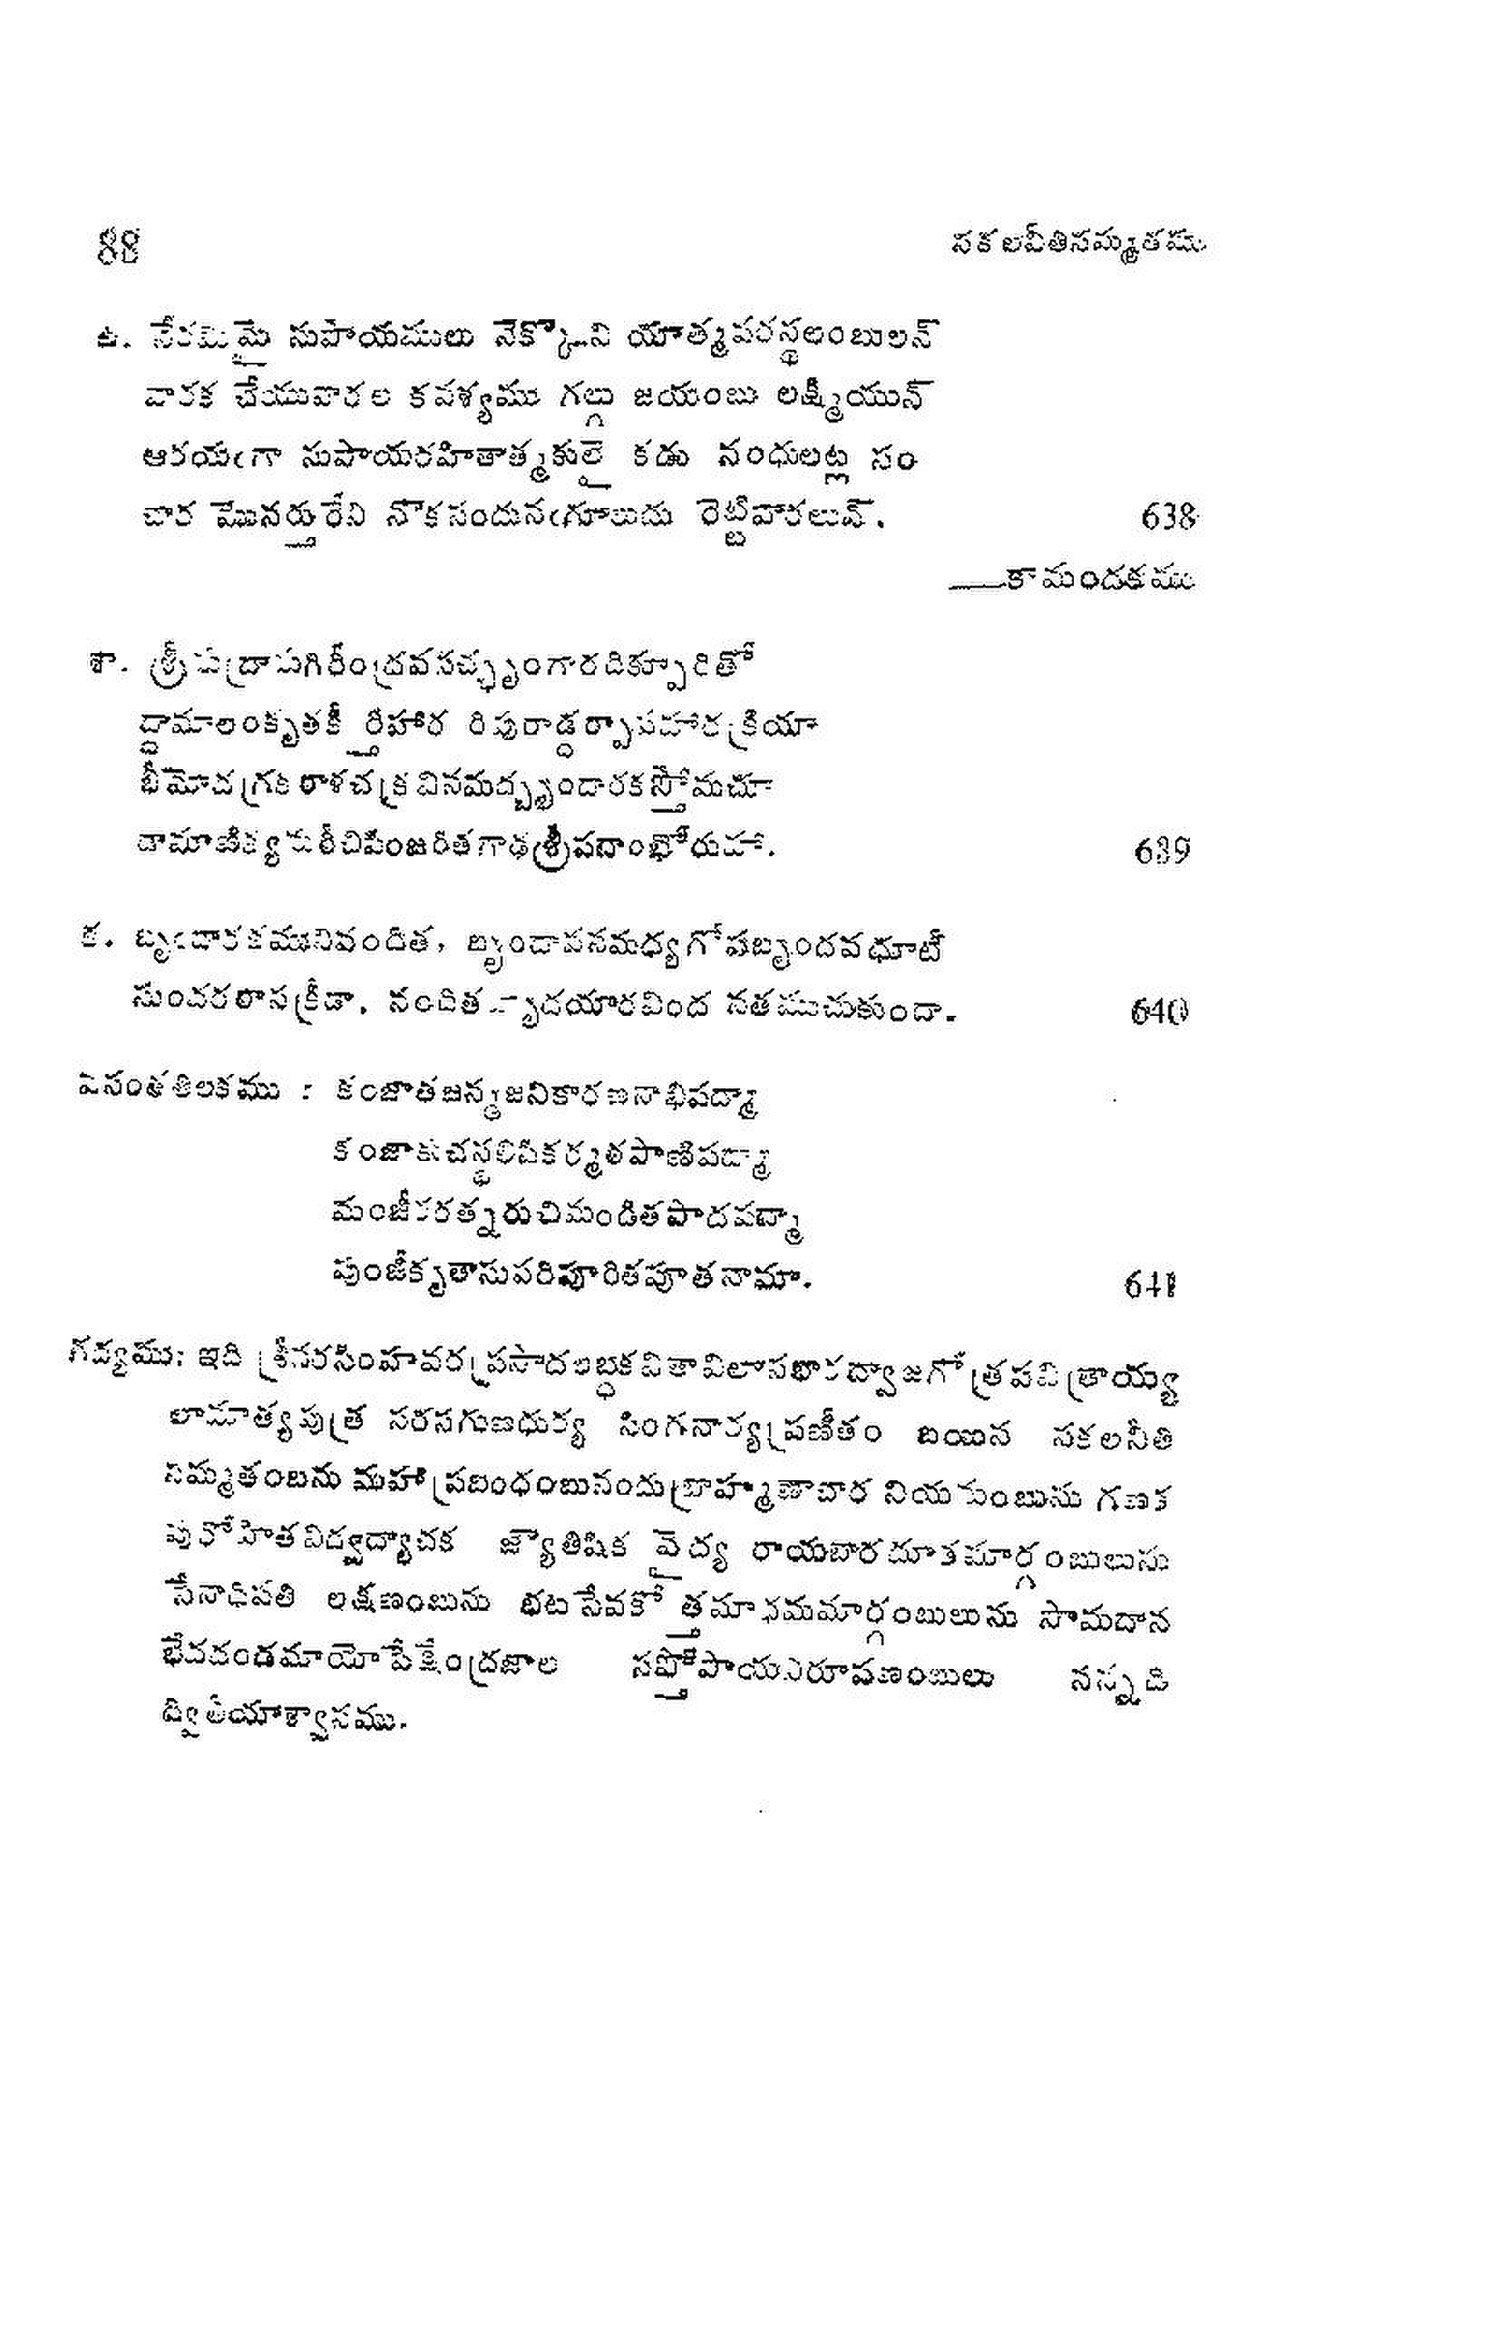ఉ. నేరమిమై నుపాయములు నెక్కొని యాత్మపరస్థలంబులన్
వారక చేయువారల కవశ్యము గల్గు జయంబు లక్ష్మియున్
ఆరయఁగా నుపాయరహితాత్మకులై కడు నంధులట్ల సం
చార మొనర్తురేని నొకసందునఁ గూలుదు రెట్టివారలున్. 638

శా. శ్రీమద్రామగిరీంద్రమందిరవసచ్ఛృంగ్రారదిక్పూరితో
ద్దామాలంకృతకీర్తిహార రిపురాడ్దర్పాపహారక్రియా
భీమోదగ్రకరాళచక్రవినమద్బృందారకస్తోమచూ
డామాణిక్యమరీచిపింజరితగాఢశ్రీపదాంభోరుహా. 639

క. బృందారకమునివందిత
బృందావనమధ్యగోపబృందవధూటీ
సుందరరాసక్రీడా
నందితహృదయారవింద నతముచుకుందా. 640

వసంతతిలకము. కంజాతజన్మజనికారణనాభిపద్మా
కంజాకుచస్థలిపికర్మఠపాణిపద్మా
మంజీరరత్నరుచిమండితపాదపద్మా
పుంజీకృతాసుపరిపూరితపూతనామా. 641
గద్యము: ఇది శ్రీనరసింహవరప్రసాదలబ్ధకవితావిలాసభారద్వాజగోత్రపవిత్రాయ్యలామాత్యపుత్రా సరసగుణధుర్య సింగనార్యప్రణీతం బయిన సకలనీతిసమ్మతంబను మహాప్రబంధంబునందు బ్రాహ్మణాచార నియమంబును గణక పురోహితవిద్వద్యాచక జ్యౌతిషిక వైద్య రాయబారదూత మార్గంబులును సేనాధిపతి లక్షణంబును భటసేవకోత్తమాధమ మార్గంబులును సామదానభేదదండమాయోపేక్షేంద్రజాల సప్తోపాయనిరూపణంబును నన్నది ద్వితీయాశ్వాసము.